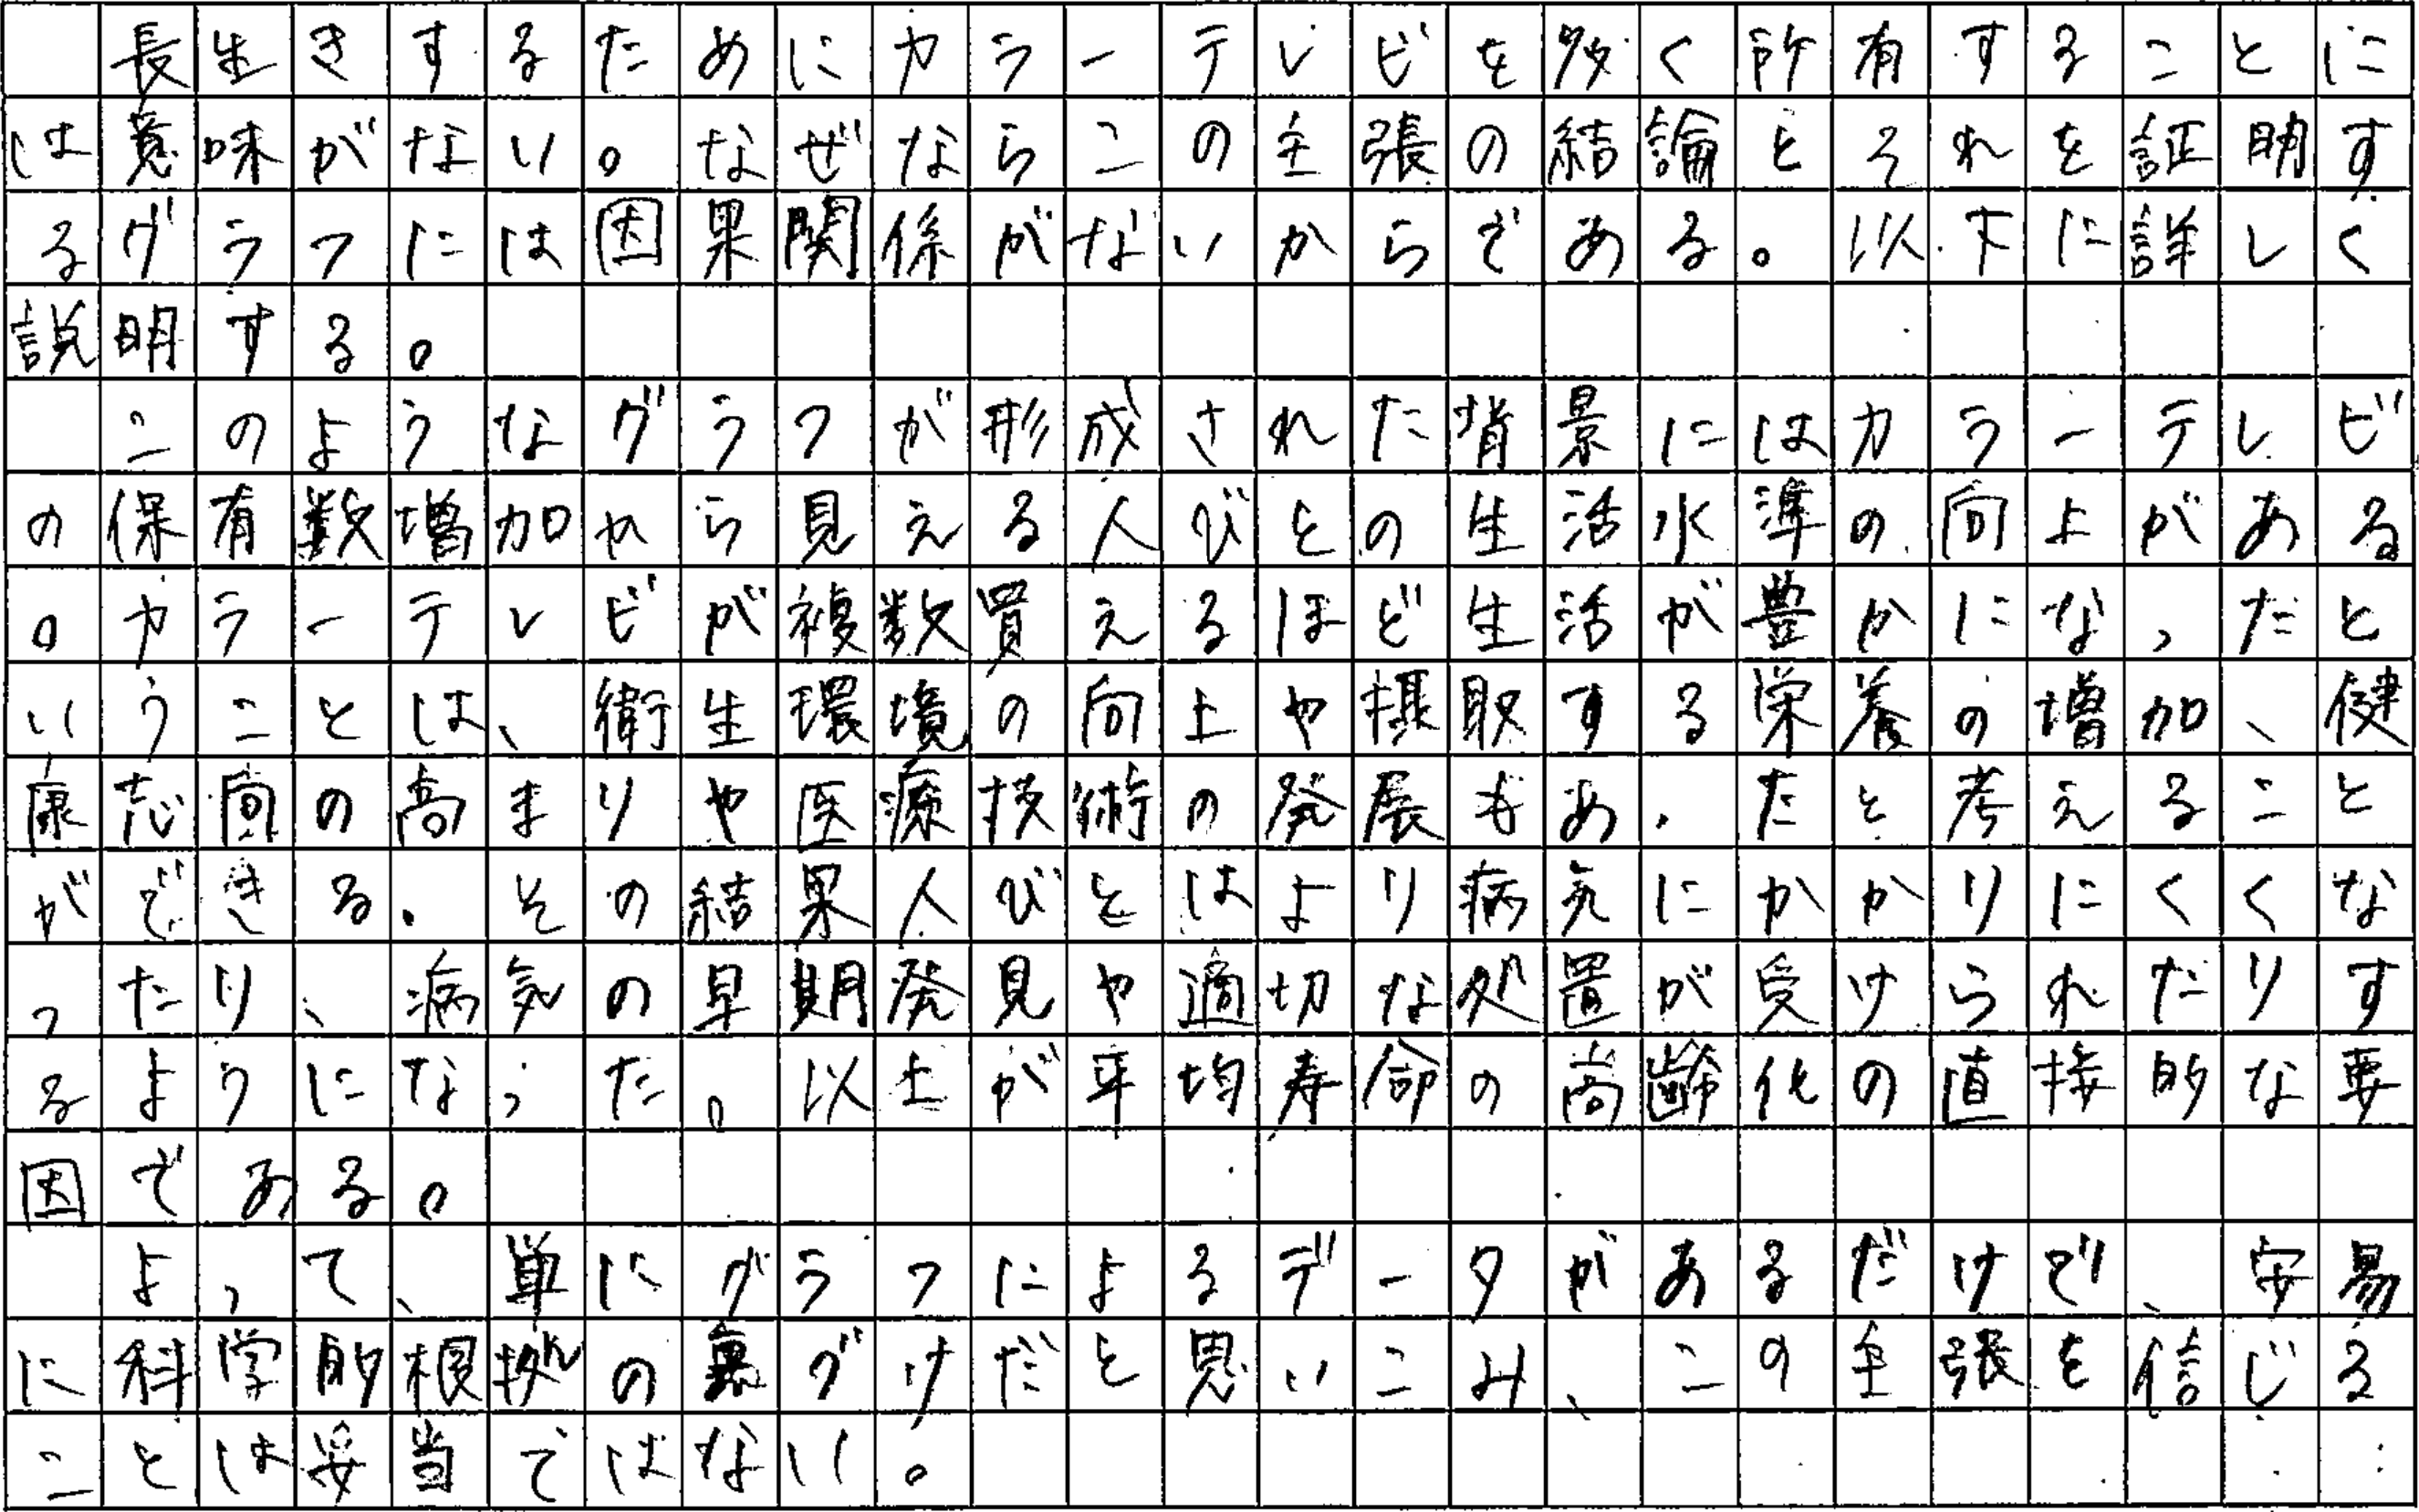　長生きするためにカラーテレビを多く所有することには意味がない。なぜならこの主張の結論とそれを証明するグラフには因果関係がないからである。以下に詳しく説明する。
　このようなグラフが形成された背景にはカラーテレビの保有数増加から見える人びとの生活水準の向上がある。カラーテレビが複数買えるほど生活が豊かになったということは、衛生環境の向上や摂取する栄養の増加、健康志向の高まりや医療技術の発展もあったと考えることができる。その結果人びとはより病気にかかりにくくなったり、病気の早期発見や適切な処置が受けられたりするようになった。以上が平均寿命の高齢化の直接的な要因である。
　よって、単にグラフによるデータがあるだけで、安易に科学的根拠の裏づけだと思いこみ、この主張を信じることは妥当ではない。
